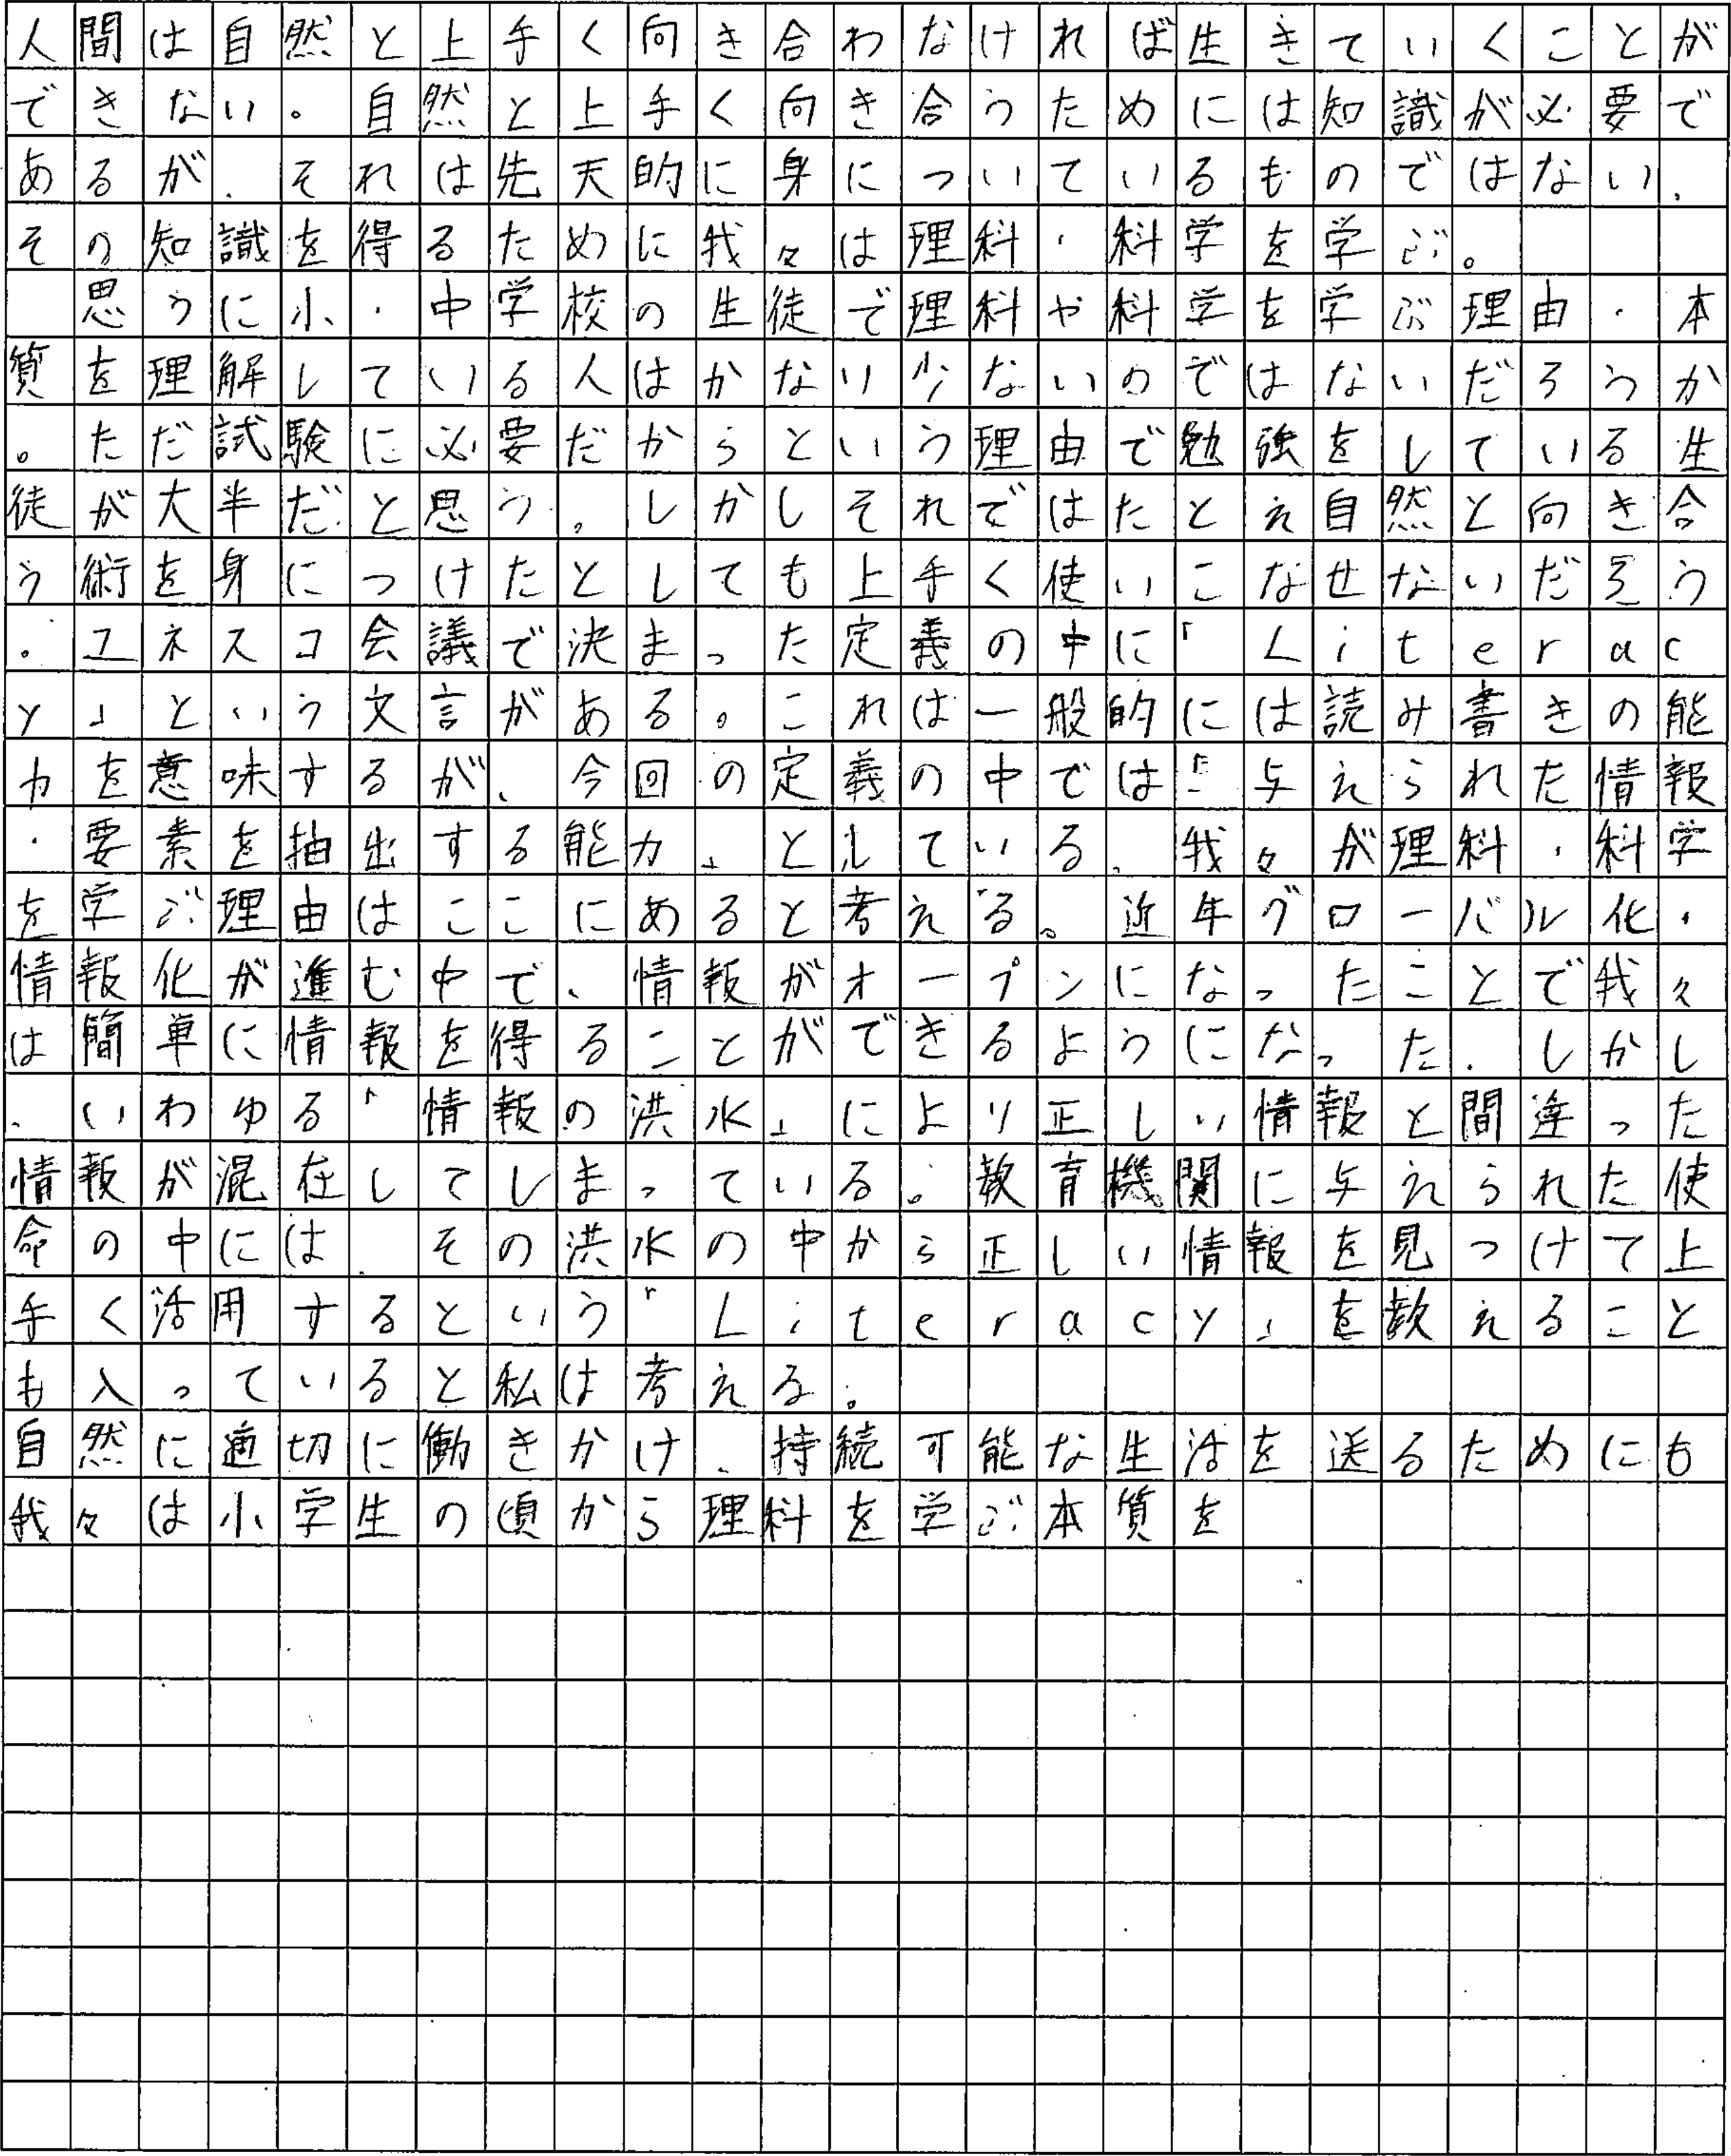人間は自然と上手く向き合わなければ生きていくことができない。自然と上手く向き合うためには知識が必要であるが、それは先天的に身についているものではない。その知識を得るために我々は理科・科学を学ぶ。
　思うに小・中学校の生徒で理科や科学を学ぶ理由・本質を理解している人はかなり少ないのではないだろうか。ただ試験に必要だからという理由で勉強をしている生徒が大半だと思う。しかしそれではたとえ自然と向き合う術を身につけたとしても上手く使いこなせないだろう。ユネスコ会議で決まった定義の中に「Ｌｉｔｅｒａｃｙ」という文言がある。これは一般的には読み書きの能力を意味するが、今回の定義の中では「与えられた情報・要素を抽出する能力」としている。我々が理科・科学を学ぶ理由はここにあると考える。近年グローバル化・情報化が進む中で、情報がオープンになったことで我々は簡単に情報を得ることができるようになった。しかし、いわゆる「情報の洪水」により正しい情報と間違った情報が混在してしまっている。教育機関に与えられた使命の中には、その洪水の中から正しい情報を見つけて上手く活用するという「Ｌｉｔｅｒａｃｙ」を教えることも入っていると私は考える。
自然に適切に働きかけ、持続可能な生活を送るためにも我々は小学生の頃から理科を学ぶ本質を
